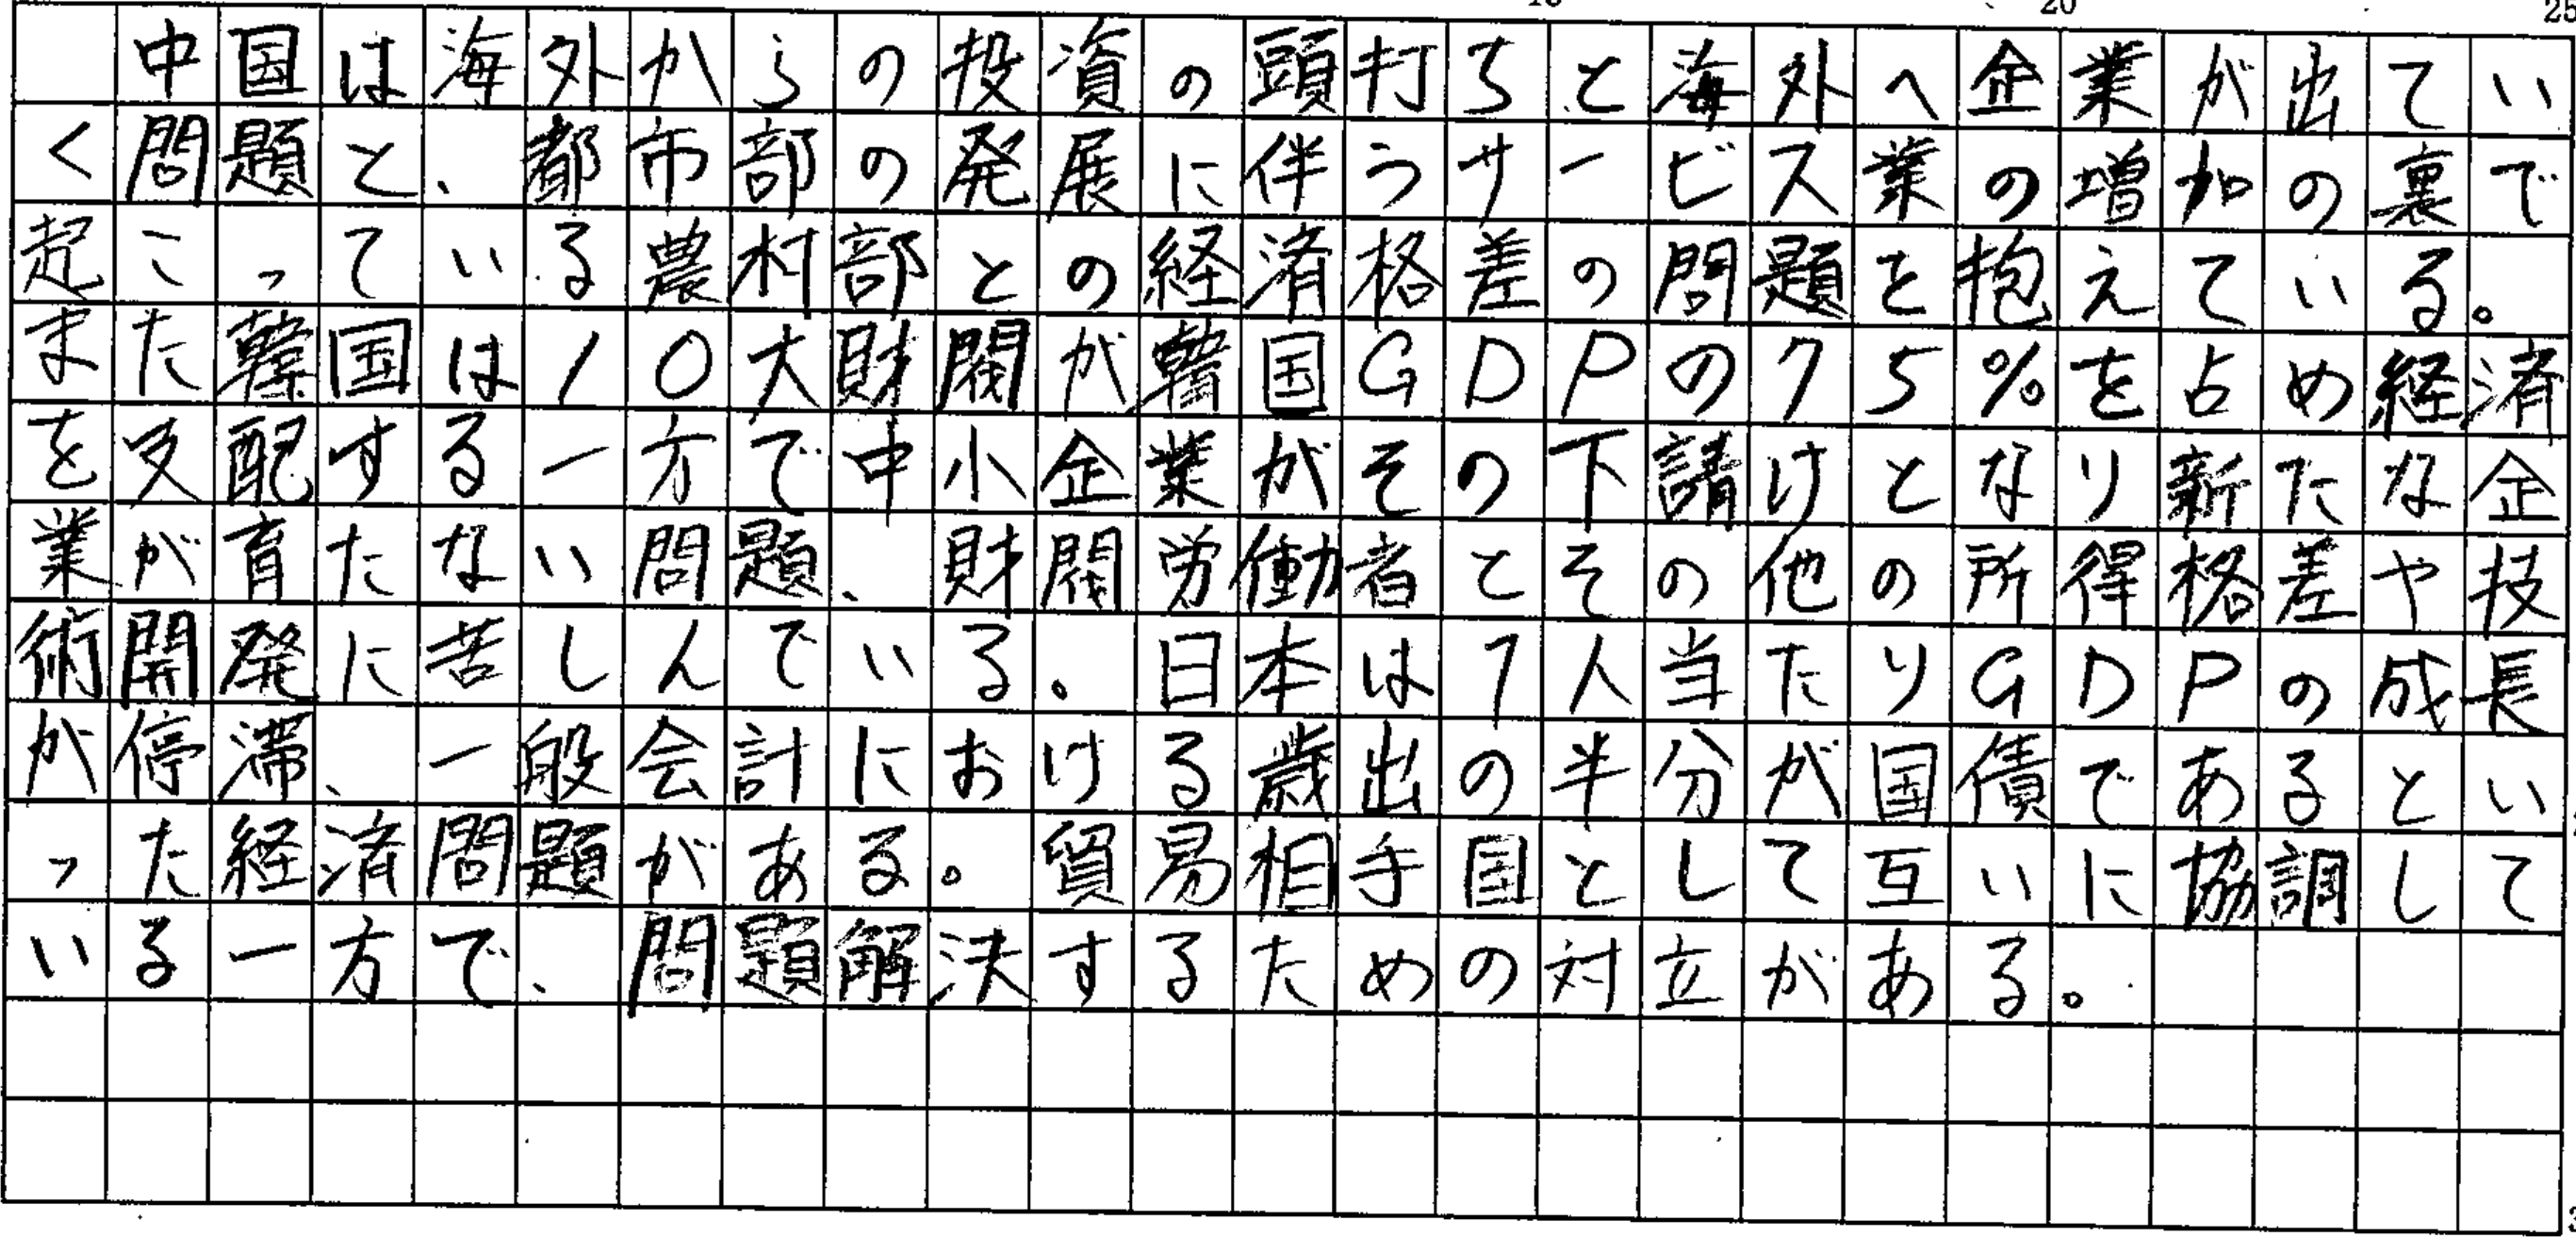　中国は海外からの投資の頭打ちと海外へ企業が出ていく問題と、都市部の発展に伴うサービス業の増加の裏で起こっている農村部との経済格差の問題を抱えている。また韓国は１０大財閥が韓国ＧＤＰの７５％を占め経済を支配する一方で中小企業がその下請けとなり新たな企業が育たない問題、財閥労働者とその他の所得格差や技術開発に苦しんでいる。日本は１人当たりＧＤＰの成長が停滞、一般会計における歳出の半分が国債であるといった経済問題がある。貿易相手国として互いに協調している一方で、問題解決するための対立がある。
